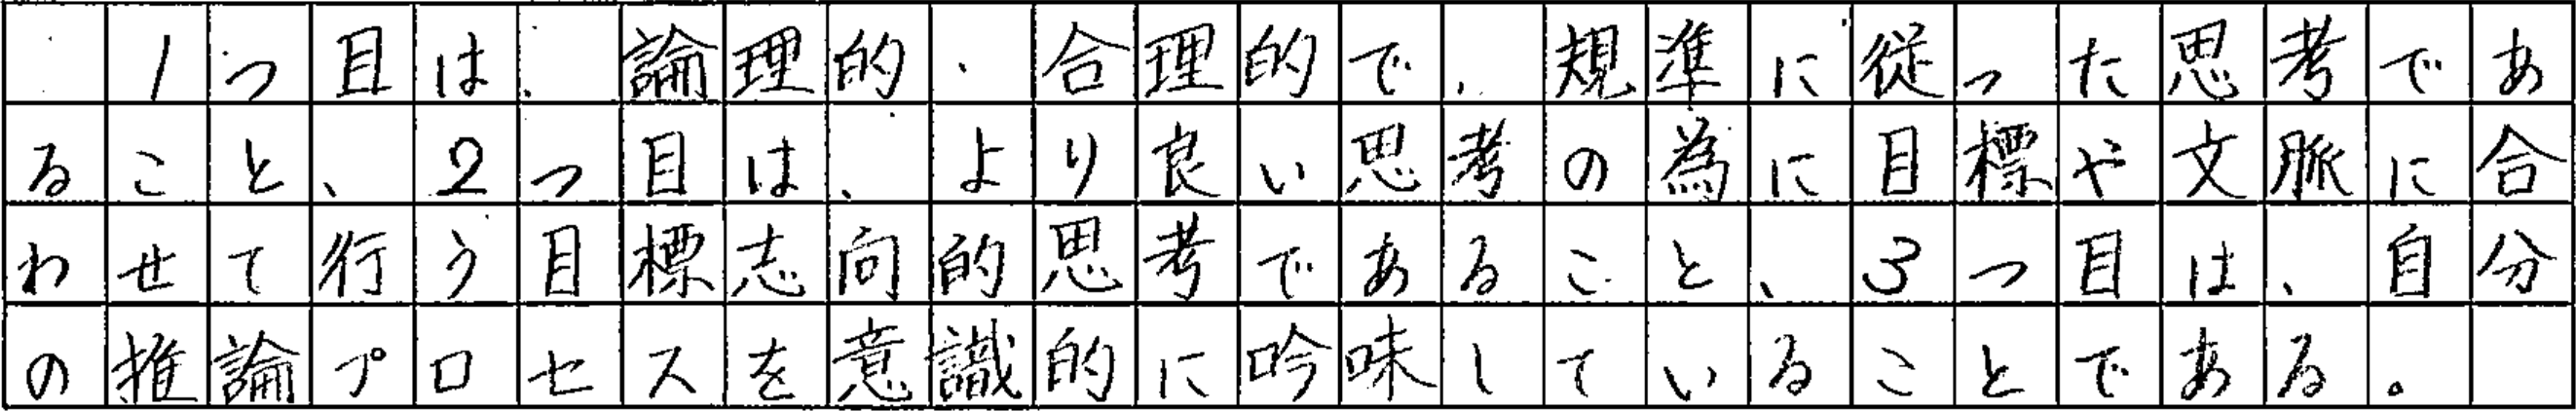　１つ目は、論理的・合理的で、規準に従った思考であること、２つ目は、より良い思考の為に目標や文脈に合わせて行う目標志向的思考であること、３つ目は、自分の推論プロセスを意識的に吟味していることである。
